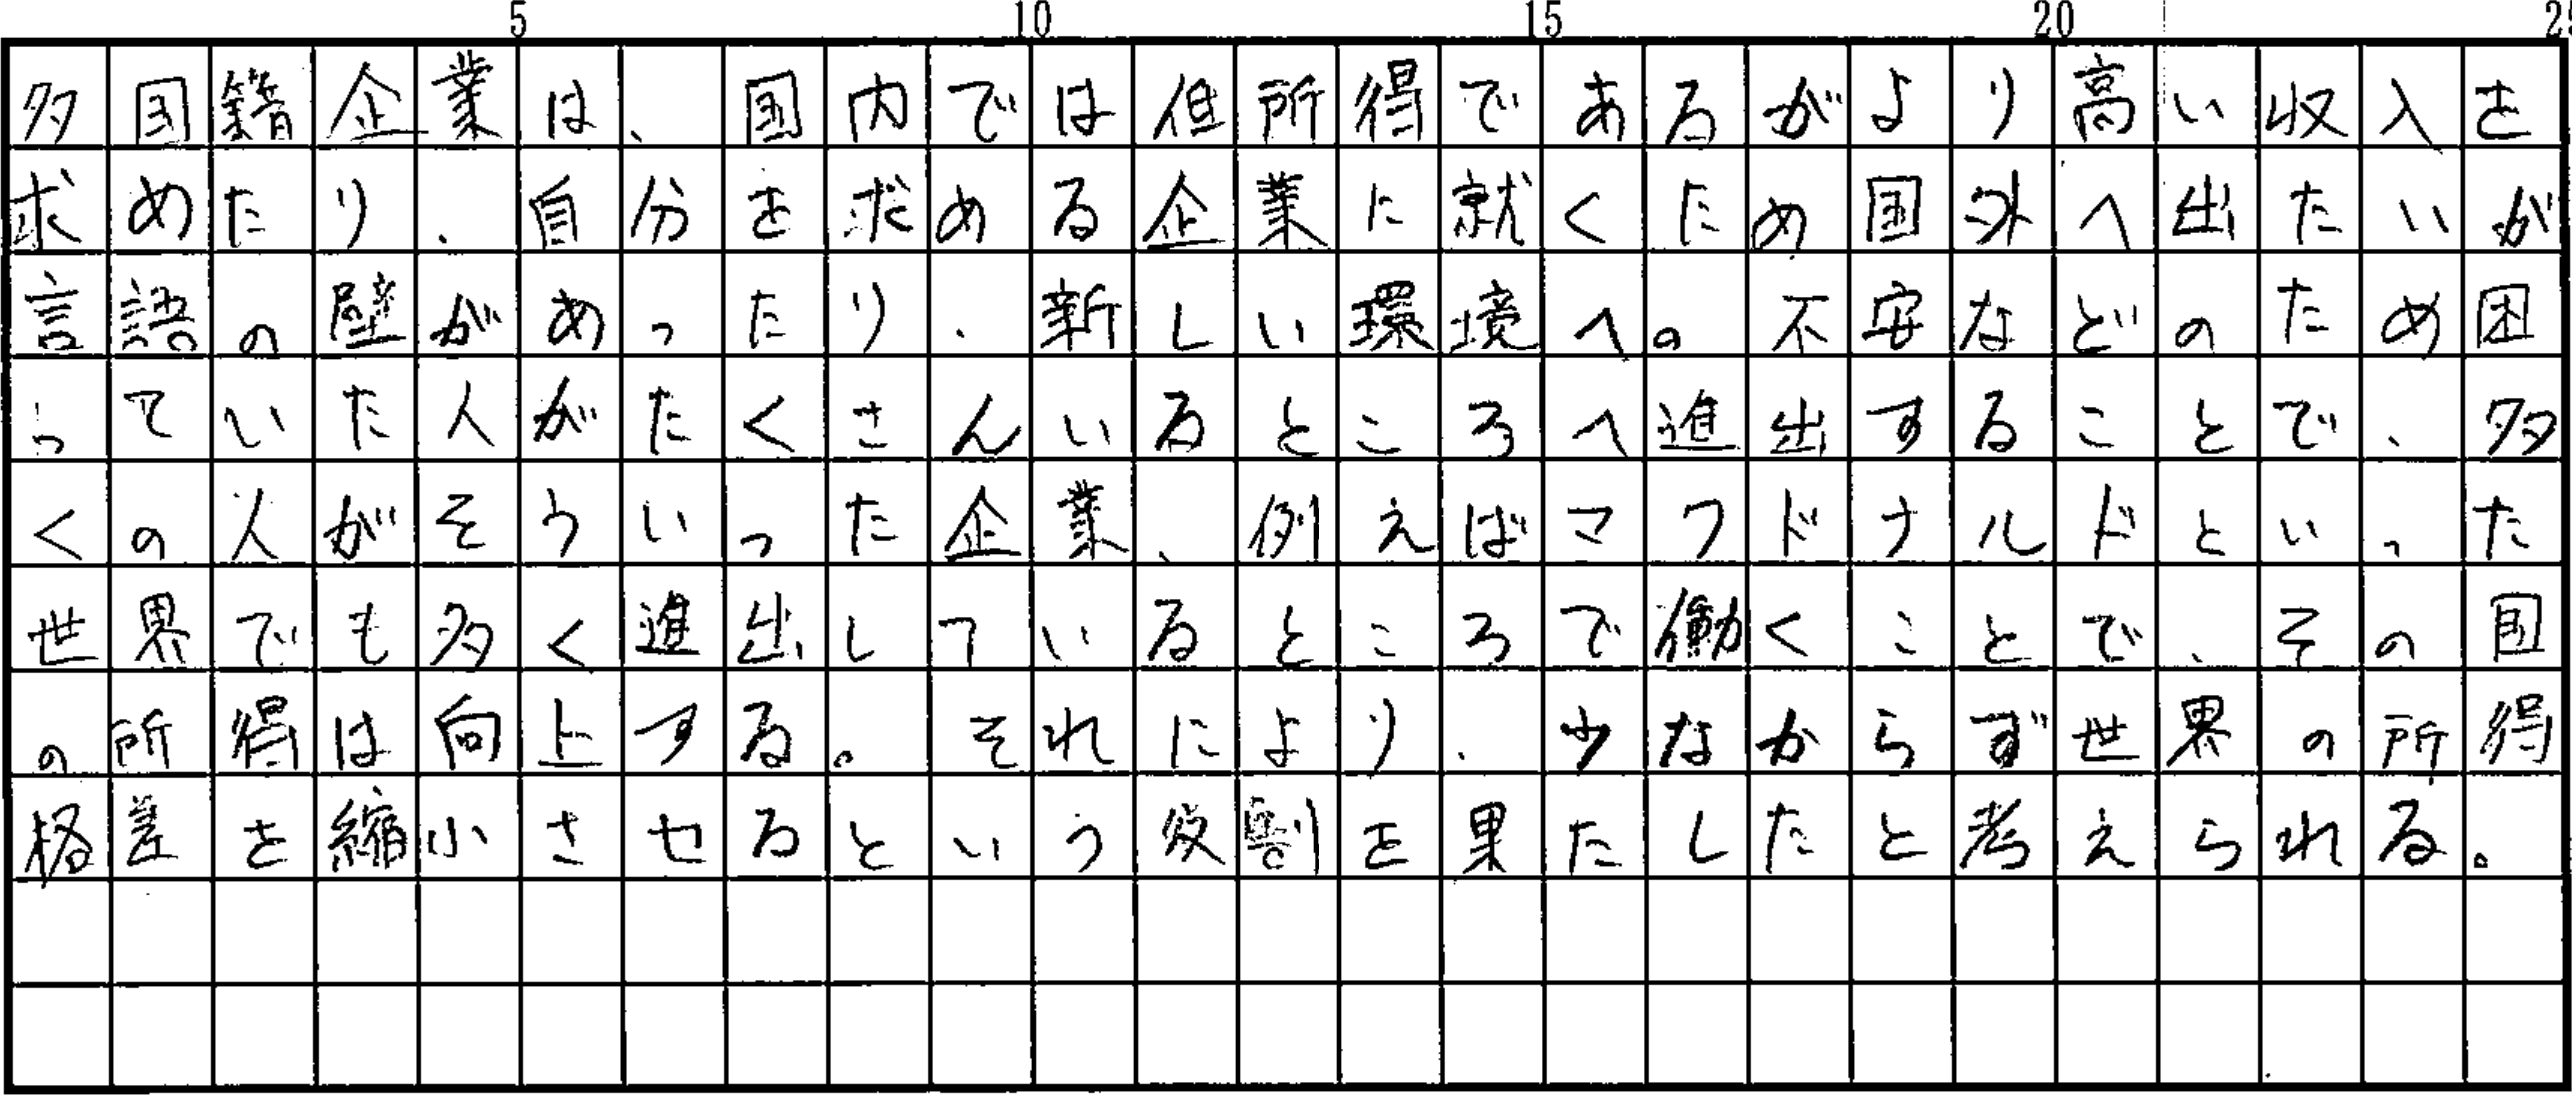多国籍企業は、国内では低所得であるがより高い収入を求めたり、自分を求める企業に就くため国外へ出たいが言語の壁があったり、新しい環境への不安などのため困っていた人がたくさんいるところへ進出することで、多くの人がそういった企業、例えばマクドナルドといった世界でも多く進出しているところで働くことで、その国の所得は向上する。それにより、少なからず世界の所得格差を縮小させるという役割を果たしたと考えられる。
